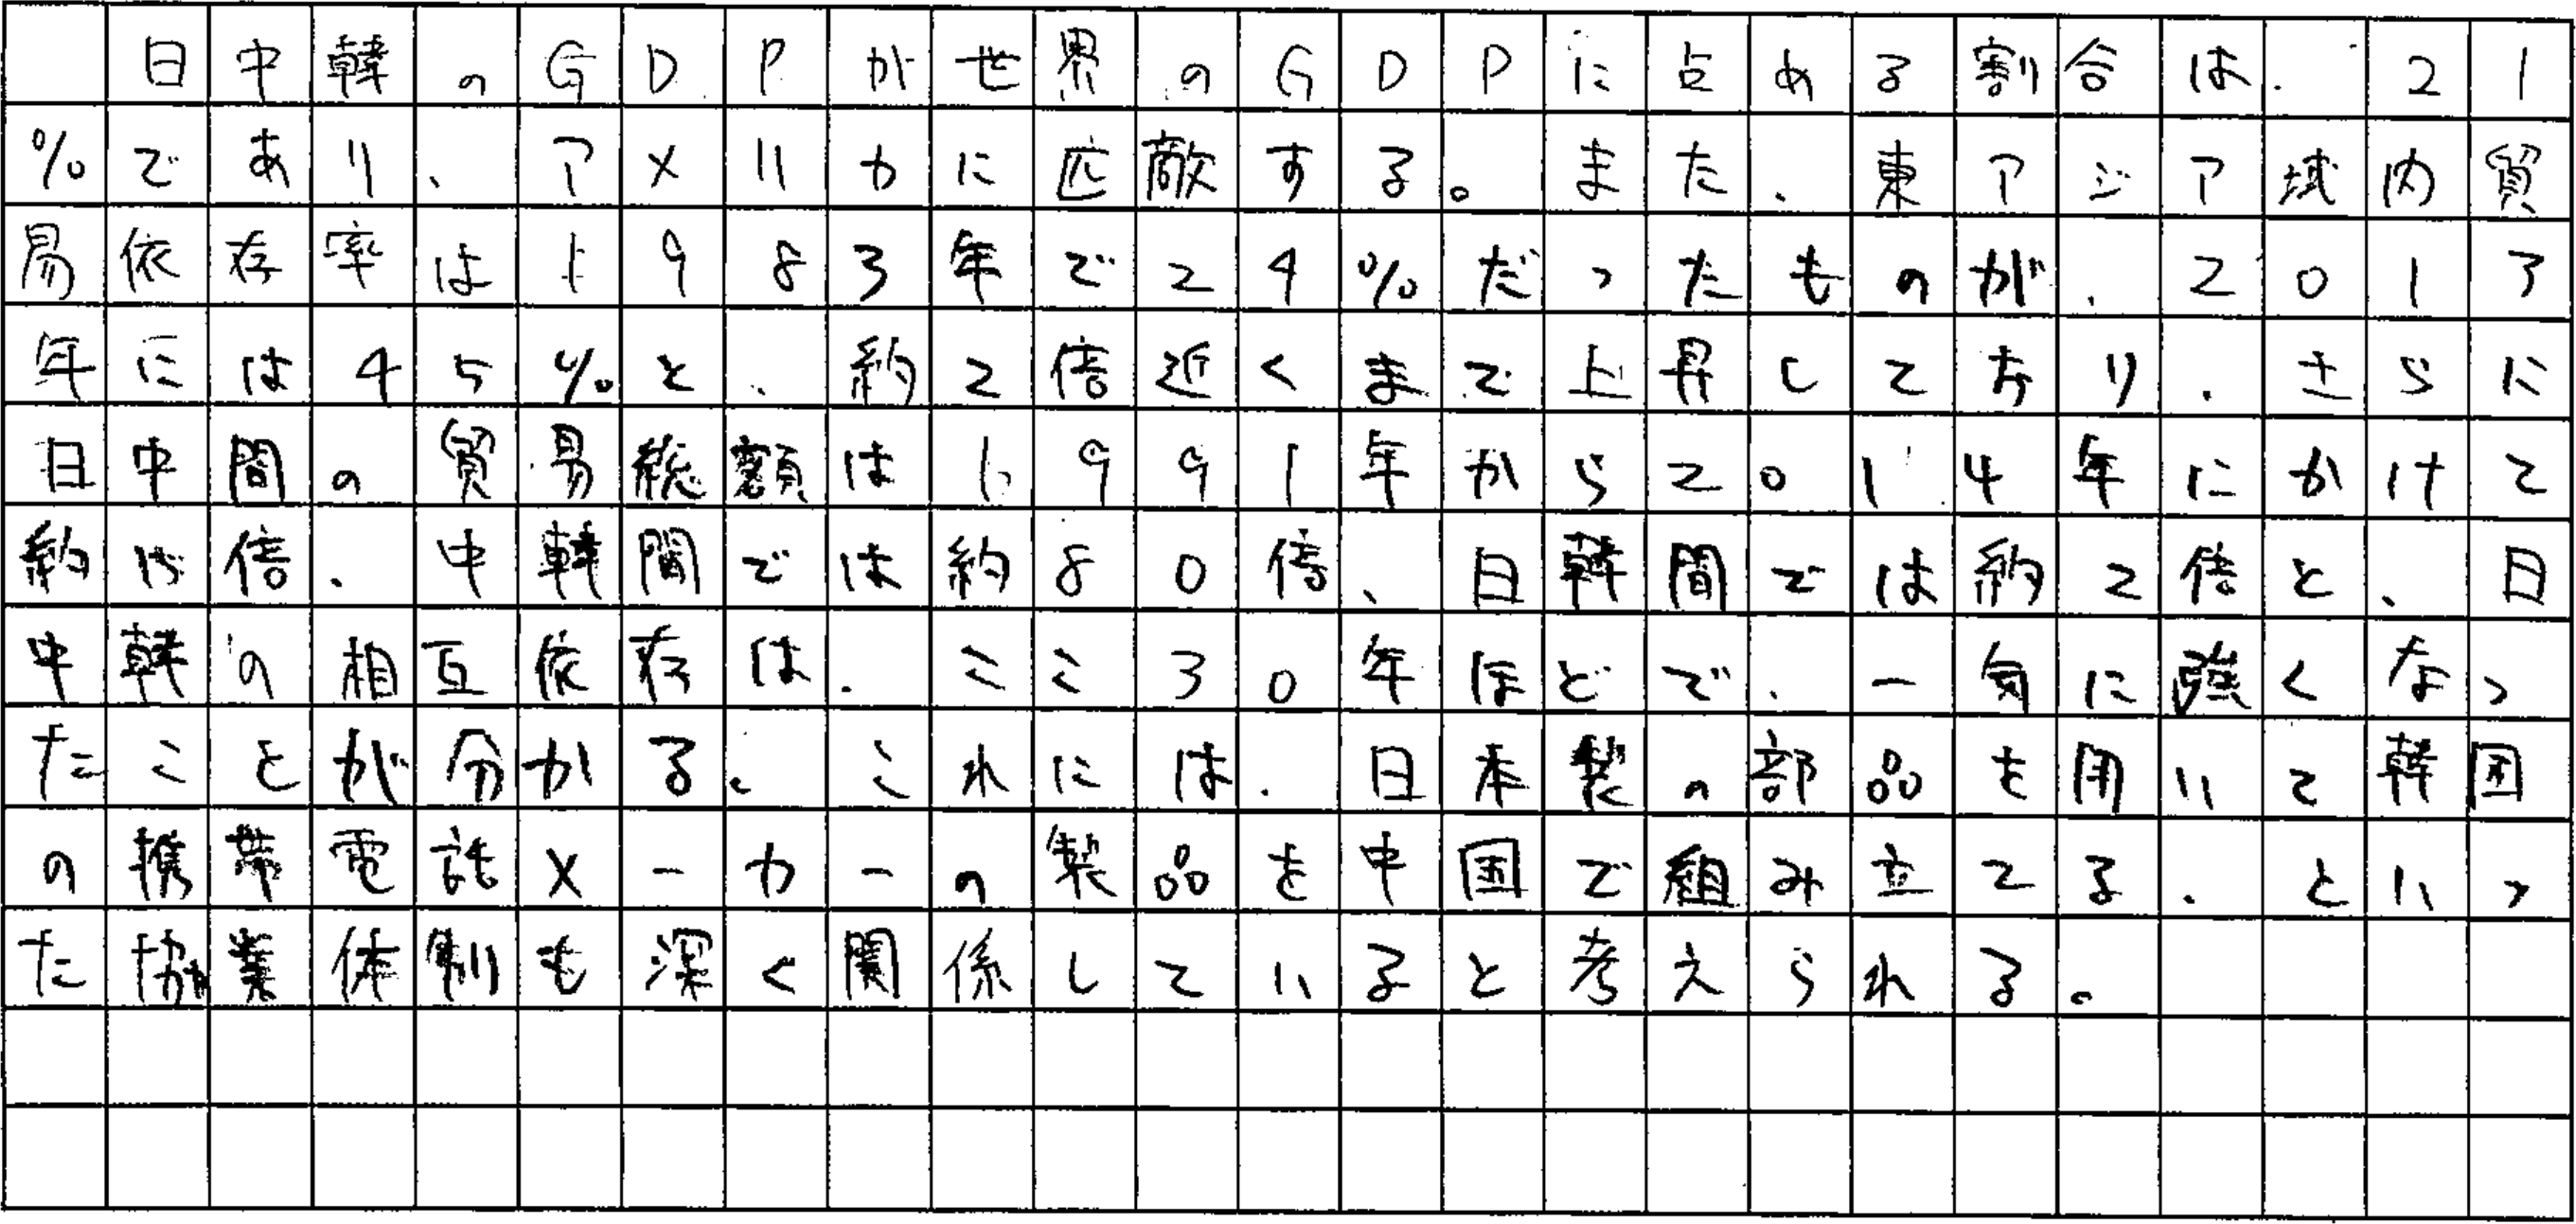　日中韓のＧＤＰが世界のＧＤＰに占める割合は、２１％であり、アメリカに匹敵する。また、東アジア域内貿易依存率は１９８３年で２４％だったものが、２０１３年には４５％と、約２倍近くまで上昇しており、さらに日中間の貿易総額は１９９１年から２０１４年にかけて約１５倍、中韓間では約８０倍、日韓間では約２倍と、日中韓の相互依存は、ここ３０年ほどで、一気に強くなったことが分かる。これには、日本製の部品を用いて韓国の携帯電話メーカーの製品を中国で組み立てる、といった協業体制も深く関係していると考えられる。
